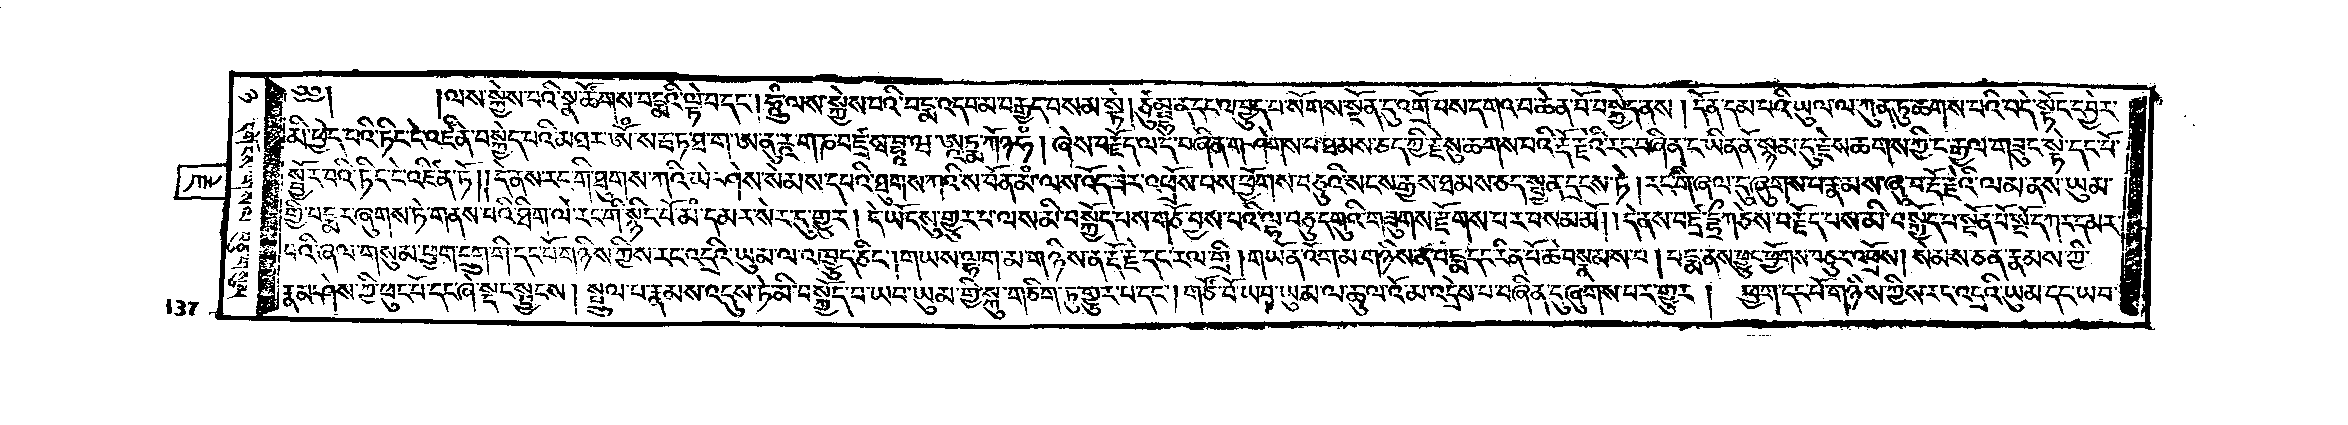༄༅། །ལས་སྐྱེས་པའི་སྣ་ཚོགས་པདམའི་ལྟེ་བ་དང་། ཧཱུཾ་ལས་སྐྱེས་པའི་པདམ་འདབ་མ་བརྒྱད་བསམ་སྟེ། ཙུམྦྷ་ན་དང་འཁྱུད་པ་སོགས་སྔོན་དུ་འགྲོ་བས་དགའ་བ་ཆེན་པོ་བསྐྱེད་ནས། དོན་དམ་པའི་ཡུལ་ལ་ཀུན་ཏུ་ཆགས་པའི་བདེ་སྟོང་དབྱེར་
མི་ཕྱེད་པའི་ཏིང་ངེ་འཛིན་བསྐྱེད་པའི་མཐར་ཨོཾ་སརྦ་ཏ་ཐ་ག་ཨ་ནུ་རཱ་ག་ཎ་བཛྲ་སྭ་བྷཱ་ཝ་ཨཱཏྨ་ཀོཉ་ཧཾ། ཞེས་བརྗོད་ལ་དེ་བཞིན་གཤེགས་པ་ཐམས་ཅད་ཀྱི་རྗེས་སུ་ཆགས་པའི་རྡོ་རྗེའི་རང་བཞིན་ང་ཡིན་ནོ་སྙམ་དུ་རྗེས་ཆགས་ཀྱི་ང་རྒྱལ་གཟུང་སྟེ་དང་པོ་
སྦྱོར་བའི་ཏིང་ངེ་འཛིན་ཏོ། །དེ་ནས་རང་གི་ཐུགས་ཀའི་ཡེ་ཤེས་སེམས་དཔའི་ཐུགས་ཀའི་ས་བོན་མཾ་ལས་འོད་ཟེར་འཕྲོས་པས་ཕྱོགས་བཅུའི་སངས་རྒྱས་ཐམས་ཅད་སྤྱན་དྲངས་ཏེ། རང་གི་ཞལ་དུ་ཞུགས་པ་རྣམས་ཞུ་བ་རྡོ་རྗེའི་ལམ་ནས་ཡུམ་
གྱི་པདམར་ཞུགས་ཏེ་གནས་པའི་ཐིག་ལེ་རང་གི་སྙིང་པོ་མཾ་དམར་སེར་དུ་གྱུར། དེ་ཡོངས་སུ་གྱུར་པ་ལས་མི་བསྐྱོད་པས་གཙོ་བྱས་པའི་ལྷ་བཅུ་དགུའི་གཟུགས་རྫོགས་པར་བསམ་མོ། །དེ་ནས་བཛྲ་དྷྲྀ་ཀ་ཅེས་བརྗོད་པས་མི་བསྐྱོད་པ་སྔོན་པོ་སྔོ་དཀར་དམར་
བའི་ཞལ་གསུམ་ཕྱག་དྲུག་གི་དང་པོ་གཉིས་ཀྱིས་རང་འདྲའི་ཡུམ་ལ་འཁྱུད་ཅིང་། གཡས་ལྷག་མ་གཉིས་ན་རྡོ་རྗེ་དང་རལ་གྲི། གཡོན་འོག་མ་གཉིས་ན་པདམ་དང་རིན་པོ་ཆེ་བསྣམས་པ། པདམ་ནས་ཕྱུང་ཕྱོགས་བཅུར་འཕྲོས། སེམས་ཅན་རྣམས་ཀྱི་
རྣམ་ཤེས་ཀྱི་ཕུང་པོ་དང་ཞེ་སྡང་སྦྱངས། སྤྲུལ་པ་རྣམས་འདུས་ཏེ་མི་བསྐྱོད་པ་ཡབ་ཡུམ་གྱི་སྐུ་གཅིག་ཏུ་གྱུར་པ་དང་། གཙོ་བོ་ཡབ་ཡུམ་ལ་ཆུ་ལ་འོ་མ་འདྲེས་པ་བཞིན་དུ་ཞུགས་པར་གྱུར། ཕྱག་དང་པོ་གཉིས་ཀྱིས་རང་འདྲའི་ཡུམ་དང་ཡབ་